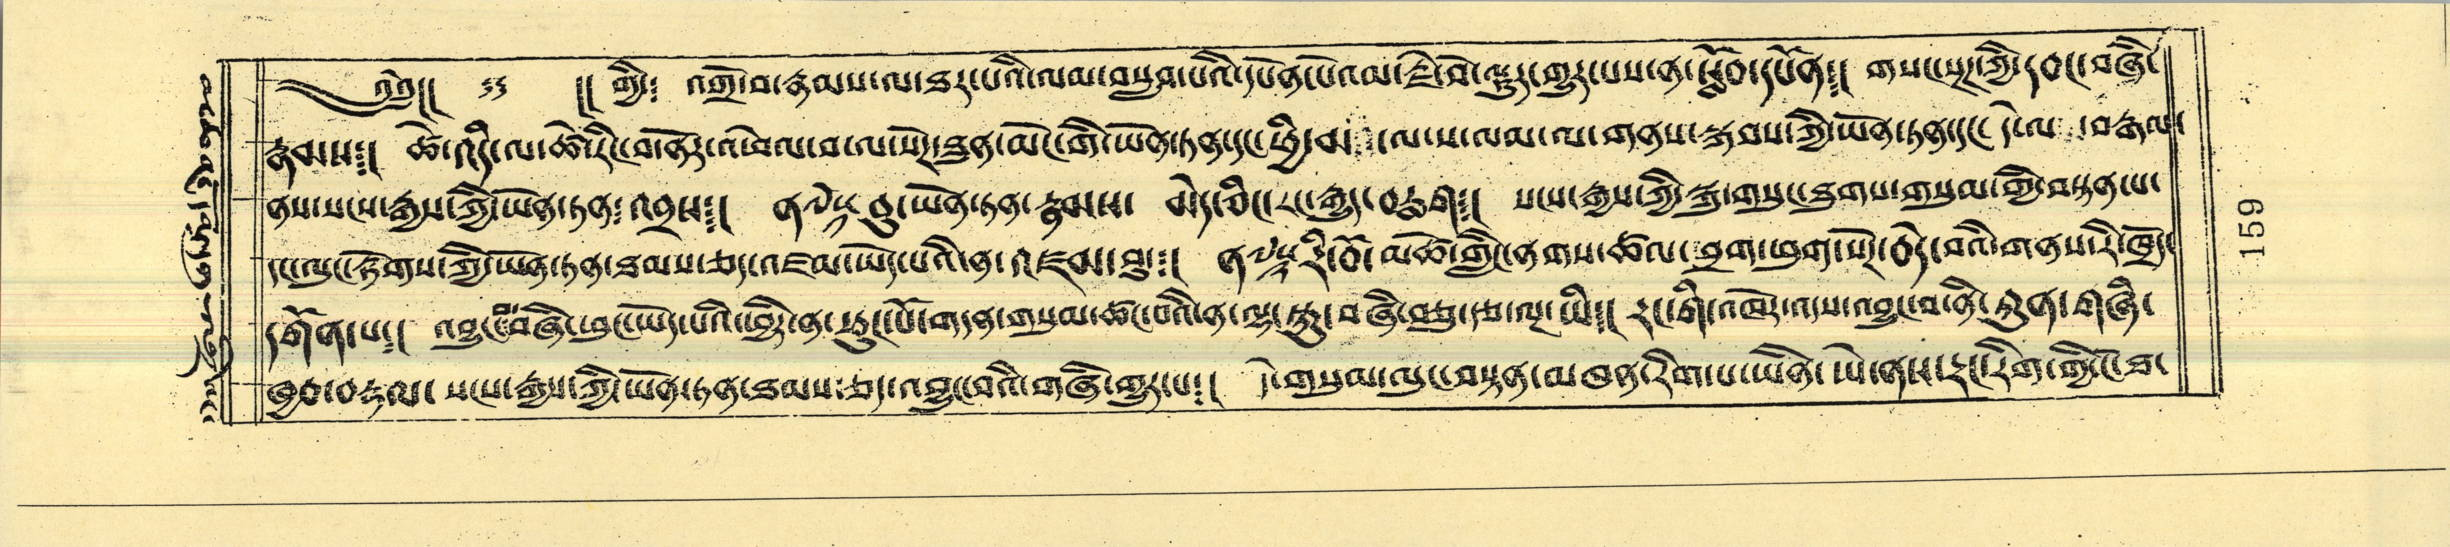གྱི་འགྲོ་བ་རྣམས་ལ་ཐར་པའི་ལམ་བསླབས་པའི་དཔོན་པོའམ་རྗེ་བོ་ལྟ་བུར་གྱུར་པས་ན་༼སློབ་དཔོན༽གསང་སྔགས་ཀྱི་༼དབང་༽བཞི་
༼རྣམས༽༼ཚེ་འདི་ལ༽ཚེ་རིང་བ་ནོར་འཕེལ་བ་ལ་སོགས་ཐུན་མོང་གི་ཡོན་ཏན་༼ཕྱི་མ༽ལ་ས་ལམ་ལ་གནས་སྐབས་ཀྱི་ཡོན་ཏན་དང་། དེ་ལ་བརྒལ་
ནས་སངས་རྒྱས་ཀྱི་ཡོན་ཏན་༼འབྲས་༽ན༧༥།༡༼བུ༽ཡོན་ཏན་རྣམས་མེད་ཅིང་རང་རྒྱུད་༼བརླག༽སངས་རྒྱས་ཀྱི་སྐུ་གསུང་ཐུགས་གསུམ་གྱི་བསྟན་པ་
དང་ལུང་རྟོགས་ཀྱི་ཡོན་ཏན་ཐམས་ཅད་འཛོམས་ཡོད་པས་ན་ ༼འཛམ་བུ༽ན༧༥།༢༼རི་བོ༽མཚོ་གླིང་ནགས་ཚལ་བྲག་ཕུག་སོགས་༼བདེ་བའི༽གནས་རི་ཁྲོད་
༼དགོན་པ༽འབྱུང་བ་བཞི་ཕུང་ཡོད་པའི་ཕྱིར་ན་༼ཕུང་པོ༽གདན་གསུམ་ཚང་བས་ན་ལྷ་༼སྐུ༽བཞི་བཅུ་རྩ་ལྔ་༼ཡི། རང་གི༽འཁོར་འདས་འབྱུང་བ་ནི་༼ཀུན་གཞི་
ཁྱབ་བརྡལ༽སངས་རྒྱས་ཀྱི་ཡོན་ཏན་ཐམས་ཅད་འབྱུང་བའི་གཞིར་གྱུར་པ། དེ་གསུམ་ལུང་བསྟན་མཁན་རིག་པ་ཡིན་༼ཡེ་ནས༽རང་རིག་གྱི་ངོ་བོ་ཐ་